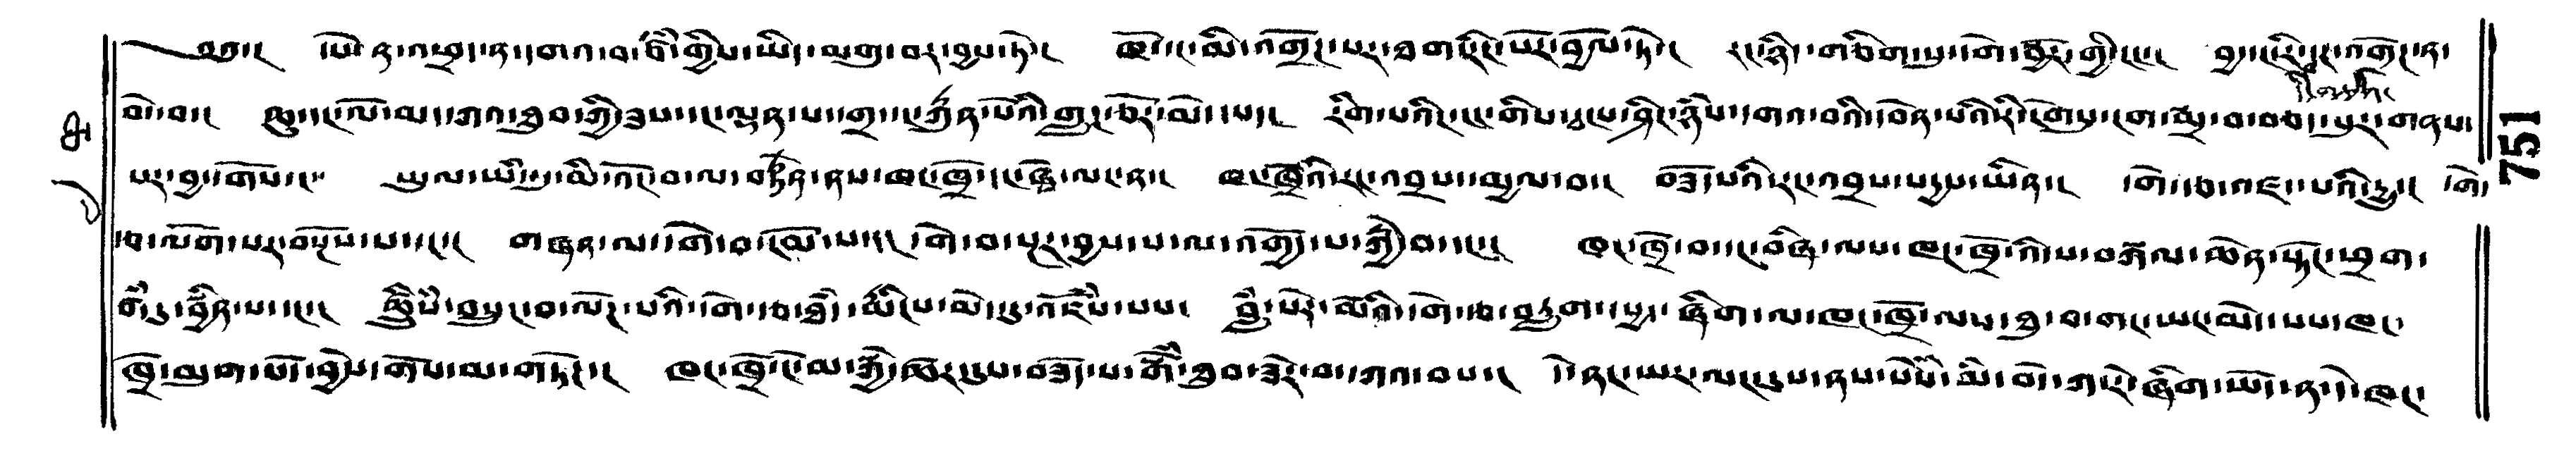དེས་ན་འཕྲད་ན་དགའ་བ་ཙམ་གྱིས་ཡིད་མགུ་བར་བྱས་ཏེ། ཁོ་དང་མི་འགྲོགས་པར་ཐག་རིང་པོར་བྱོལ་ཏེ། རང་ཉིད་གཅིག་པུ་དགེ་སྦྱོར་གྱི་ངང་། བྱ་དང་རི་དྭགས་འགྲོགས་ན་
བདེ་བ། ཆུ་དང་ལོ་མ་དཀའ་ཐུབ་ཀྱི་ཟས་དང་ལྡན་པ་དགྲ་དང་རྐུན་པོའི་གླགས་ཅོར་མེད་པ། རིག་པ་ངང་གིས་དྭངས་ཤིང་ཉམས་དགའ་བའི་དབེན་པའི་རི་ངོགས་སུ་ངག་སྨྲ་བ་བཅད་དེ་གཅིག་པུར་གནས་
པར་བྱ་དགོས། ཡུལ་ཡིད་དུ་མི་འོང་བ་ལ་བརྟེན་ནས་ཁོང་ཁྲོ་དང་ཞེ་སྡང་ལང་ན། ཁོང་ཁྲོའི་རང་འབྲས་དམྱལ་བ། བཟོད་པའི་རང་འབྲས་སངས་རྒྱས་ཡིན།དགེ་རྩ་འཛད་པའི་རྒྱུ། དགེ་
རྩ་ལོག་པར་བསྔོས་པ་དང་། གཞན་ལ་དགེ་བ་ངོམས་པ། དགེ་བ་སྔར་བྱས་པ་ལ་འགྱོད་པ་སྐྱེས་པ་དང་། ཁོང་ཁྲོ་བ་དང་བཞི་ལས་ཁོང་ཁྲོ་འདིས་བསྐལ་ཆེན་སྟོང་ཕྲག་
ཙམ་དུ་སྦྱིན་པ་དང་། ཚུལ་ཁྲིམས་བསྲུངས་བ་ལ་སོགས་པའི་དགེ་རྩ་ཐམས་ཅད་རྨིངས་མེད་དུ་འཇོམས་པས། བླ་མར་སེར་མོའི་དགེ་རྩ་བརླག་དཔྱད་ཞིག་ལ་ཁོང་ཁྲོ་ལས་ཐུ་བ་གང་ཡང་མེད་པས་ཁོང་
ཁྲོ་མུག་སོད་བྱེད་དགོས་མ་གཏོགས། ཁོང་ཁྲོ་ངོ་མ་སྐྱེས་ཚར་དུས་བཟོད་པ་སྒོམ་ཐུབ་ཟེར་བ་དཀའ་བས། ད་ནང་ཡར་ལངས་དུས་ནས་སེམས་མི་བདེ་ཀ་རེ་ཞིག་ཡོད་ན་དེ་ཁོང་